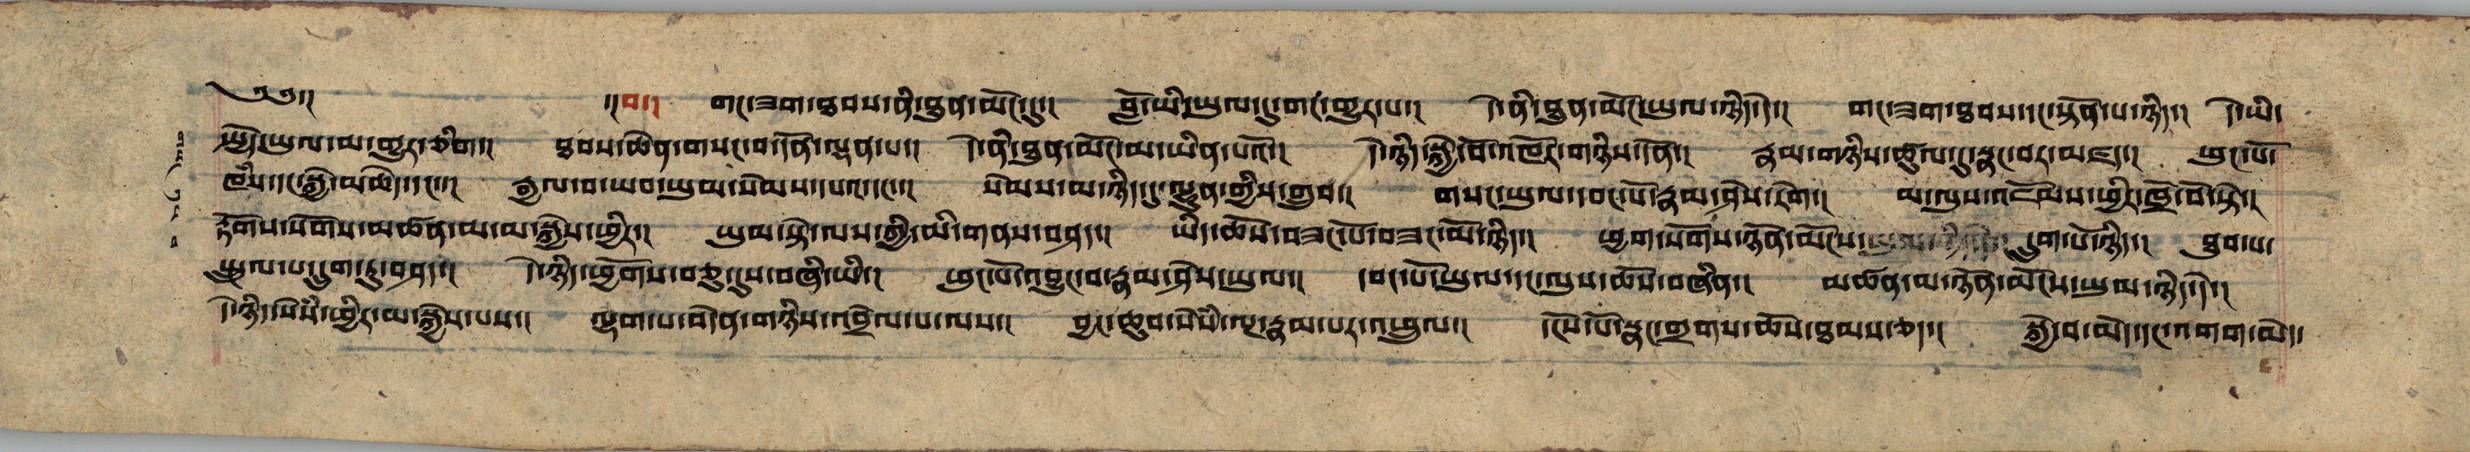༄༅་། ་།བ་། གང་ཟག་ཐབས་ནི་ཐུན་མོང་དུ་། བློ་ཡི་ཡུལ་དུ་གང་གྱུར་པ་། དེ་ནི་ཐུན་མོང་ཡུལ་ཉིད་དེ་། གང་ཟག་ཐབས་དང་སྟོན་པ་ཉིད་། དེ་ཡི་
སྤྱོད་ཡུལ་མ་གྱུར་ཅིག་། ཐབས་ཆེན་གསང་བ་དོན་ལྡན་པ་། དེ་ནི་ཐུན་མོང་མ་ཡིན་པའོ་། དེ་ཉིད་སྐྱེ་བོ་འཁོར་གཉིས་དོན་། རྣམ་གཉིས་ཚུལ་དུ་སྣང་བར་མཛད་། ཕུང་པོ་
ཁཾས་དང་སྐྱེ་མཆེད་དང་་། རྒྱལ་བ་ཡབ་ཡུམ་སེམས་དཔའ་དང་་། སེམས་མ་ཉིད་དུ་ལྷུན་གྱིས་གྲུབ་། གསང་ཡུལ་དབང་པོ་རྣམ་ཤེས་རེག་། མ་ལུས་འཇོམས་ཕྱིར་ཁྲོ་བོ་སྟེ་།
རྟོགས་སོགས་མཚན་མ་མ་སྐྱེས་ཕྱིར་། ཡུམ་སྟེ་ལས་ཀྱི་མི་གནས་བཤད་། ཡིད་ཆོས་བཟང་པོ་བཟང་མོ་ཉིད་། ཕྱག་སོགས་ཉོན་མོངས་དྲུག་པོ་ཉིད་། ཐུབ་པ་
སྤྲུལ་པ་དྲུག་ཏུ་བཤད་། དེ་ཉིད་ཕྱོགས་བཅུ་དུས་བཞི་ཡི་། ཕུང་པོ་འབྱུང་བ་རྣམ་ཤེས་ཡུལ་། དབང་པོ་ཡུལ་དང་ལུས་ཆོས་བཞིན་། མཚན་མ་ཉོན་མོངས་ཡུལ་ཉིད་དེ་།
དེ་ཉིད་སེཾས་ཕྱིར་མ་སྐྱེས་པས་། ལྷག་པ་བདེན་གཉིས་འབྲེལ་པ་ལས་། བྱང་ཆུབ་སེཾས་ལྔ་རྣམ་པར་འཕྲུལ་། དངོས་པོ་སྣང་གྲགས་ཆོས་ཐམས་ཅད་། སྐྱེ་བ་མེད་དང་འགག་མེད་